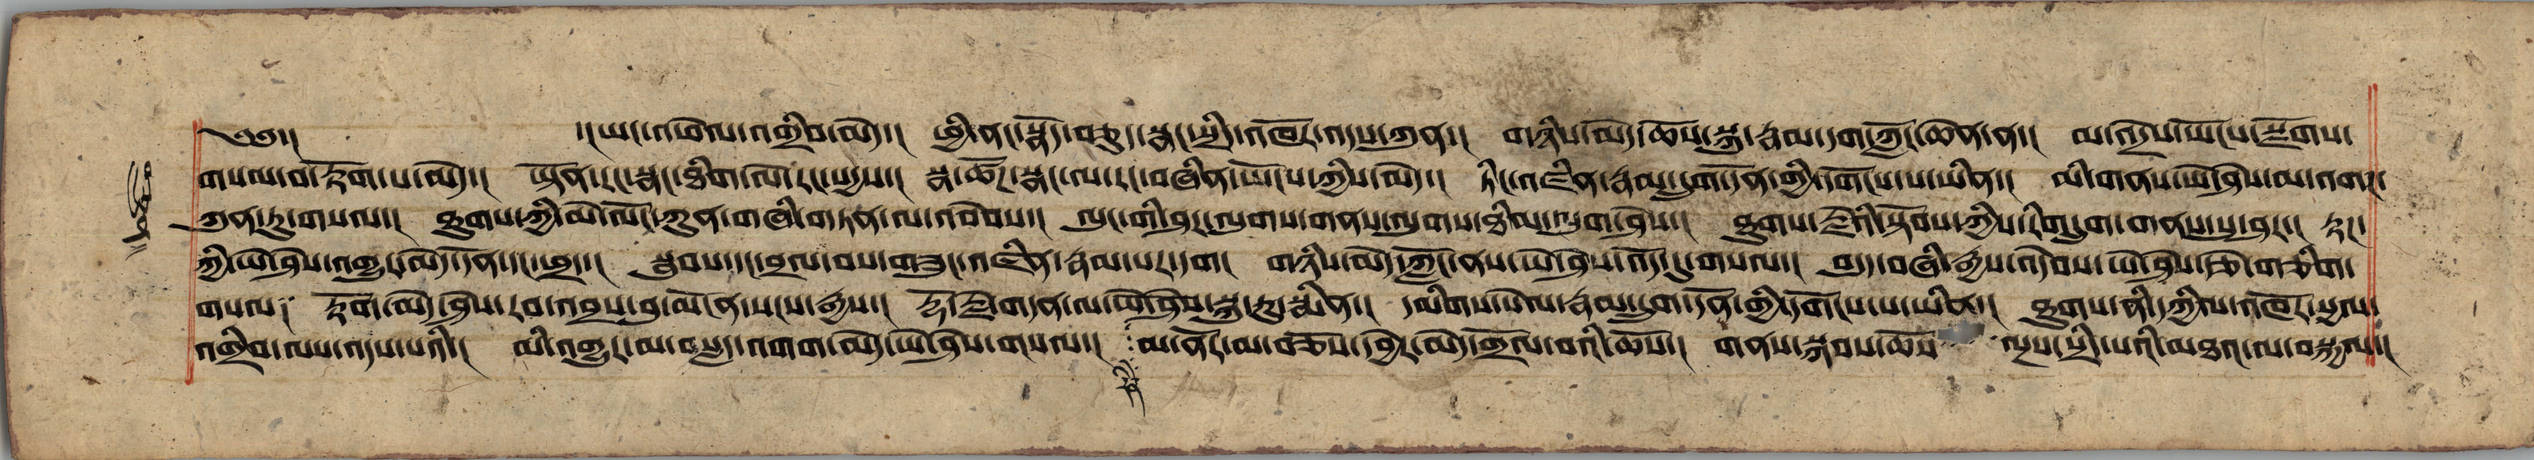༄༅་། ་།ཡང་འཕེལ་འགྲིབ་མེད་། ཕྱི་ནང་སྣོད་བཅུད་སྣང་སྲིད་འཁོར་འདས་ཀུན་། གཉིས་མེད་ཆོས་སྐུ་རྣམ་དག་ཀློང་ཆེན་ན་། མ་འདྲེས་ཡོངས་སྫོགས་
གསལ་བ་རྟོག་པ་མེད་། ཡྟོན་རང་སྣང་ཐིག་ལེ་རང་སདྱས་། སྣ་ཚོཌ་སྣང་ལ་རང་བཞིན་ཡོངས་ཀྱིས་མེད་། ཏིང་འཛིན་རྣམ་དྲུག་དོན་གྱི་དགོངས་པ་ཡིན་། མི་གནས་ཡེ་ཤེས་མ་འགཌ་
ཀུན་ཏུ་གསལ་། ཐུགས་ཀྱི་མེ་ལོང་ཀུན་གཞི་གཏན་ལ་འབེབས་། ལུང་གི་ཤར་ལུགས་གནས་ལུགས་ཐིམ་ལུག་ཤེས་། ཐུགས་རྗེའི་སྟོབས་ཀྱིས་རིགདྲུག་གནས་སུ་ཤར་། རྟཌ་
ཀྱི་ཡེ་ཤེས་འགྱུར་མེད་དོན་དང་ཕྲད་། སྦུབས་དང་བྲལ་བས་གཟུང་འཛིན་རྣམ་པར་དག། གཉིས་མེད་ཀློང་ནས་ཡེ་ཤེས་འོད་དུ་གསལ་། བདུད་བཞི་རྒྱས་འདེབས་ཡེ་ཤེས་རྩེ་གཅིག་
གསལ༑ རྟོག་མེད་ཤེས་རབ་འབྲས་བུ་མངོན་སངས་རྒྱས་། རྡོ་རྗེ་གདན་ལ་ཡེ་ཤེས་སྐུ་རུ་སྨིན་། དམིགས་སེལ་རྣམ་དྲུག་དོན་གྱི་དགོངས་པ་ཡིན་། ཐུགས་ནི་དཀྱིལ་འཁོར་སྱལ་
འགྲིབ་ལས་འདས་པའི་། མི་འགྱུར་མ་བསླད་འགག་མེད་ཡེ་ཤེས་གསལ་། མ་ནོར་མ་བཅོས་དབྱེར་མེད་གྲོལ་བའི་ཆོས་། གནས་སྐབས་ཆོས་ ལྔས་སྲིད་པའི་མཐའ་ལ་བསྐྱལ་།